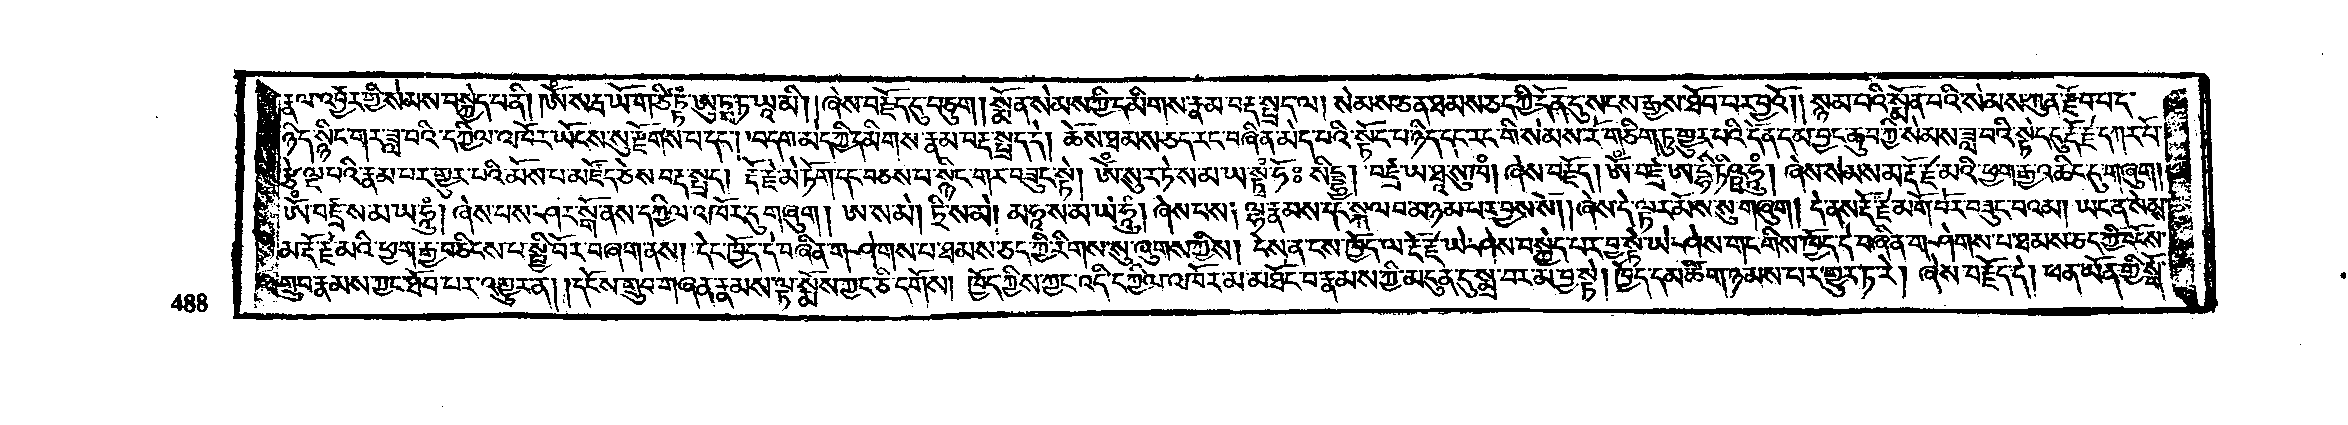རྣལ་འབྱོར་གྱི་སེམས་བསྐྱེད་པ་ནི། །ཨོཾ་སརྦ་ཡོ་ག་ཙིཏྟཾ་ཨུཏྤ་ཏ་ཡཱ་མི། ཞེས་བརྗོད་དུ་བཅུག །སྨོན་སེམས་ཀྱི་དམིགས་རྣམ་བརྡ་སྤྲད་ལ། སེམས་ཅན་ཐམས་ཅད་ཀྱི་དོན་དུ་སངས་རྒྱས་ཐོབ་པར་བྱའོ། །སྙམ་པའི་སྨོན་པའི་སེམས་ཀུན་རྫོབ་པ་དེ་
ཉིད་སྙིང་གར་ཟླ་བའི་དཀྱིལ་འཁོར་ཡོངས་སུ་རྫོགས་པ་དང་། །བདག་མེད་ཀྱི་དམིགས་རྣམ་བརྡ་སྤྲད་དེ། ཆོས་ཐམས་ཅད་རང་བཞིན་མེད་པའི་སྟོང་པ་ཉིད་དང་རང་གི་སེམས་རོ་གཅིག་ཏུ་གྱུར་པའི་དོན་དམ་བྱང་ཆུབ་ཀྱི་སེམས་ཟླ་བའི་སྟེང་དུ་རྡོ་རྗེ་དཀར་པོ་
རྩེ་ལྔ་པའི་རྣམ་པར་གྱུར་པའི་མོས་པ་མཛོད་ཅེས་བརྡ་སྤྲད། རྡོ་རྗེ་མེ་ཏོག་དང་བཅས་པ་སྙིང་གར་བཟུང་སྟེ། ཨོཾ་སུ་ར་ཏེ་ས་མ་ཡ་སྟྭཾ་ཧོཿ སིདྡྷྱ། བཛྲ་ཡ་ཐཱ་སུ་ཁཾ། ཞེས་བརྗོད། ཨོཾ་བཛྲ་ཨ་དྷི་ཏིཥཊཿཨ་ཧཱུཾ། ཞེས་སེམས་མ་རྡོ་རྗེ་མའི་ཕྱག་རྒྱ་འཆིང་དུ་གཞུག །
ཨོཾ་བཛྲ་ས་མ་ཡ་ཧཱུཾ། ཞེས་པས་ཤར་སྒོ་ནས་དཀྱིལ་འཁོར་དུ་གཞུག །ཨོཾ་ས་མེ། ཏྲི་ས་མེ། མཧཱ་ས་མ་ཡ་ཧཱུཾ། ཞེས་པས། ལྷ་རྣམས་དང་སྐལ་བ་མཉམ་པར་བྱས་སོ། །ཞེས་དེ་ལྟར་མོས་སུ་གཞུག །དེ་ནས་རྡོ་རྗེ་མགོ་བོར་བཟུང་བའམ། ཡང་ན་སེམས་
མ་རྡོ་རྗེ་མའི་ཕྱག་རྒྱ་བཅིངས་པ་སྤྱི་བོར་བཞག་ནས། དེང་ཁྱོད་དེ་བཞིན་གཤེགས་པ་ཐམས་ཅད་ཀྱི་རིགས་སུ་ཞུགས་ཀྱིས། དེས་ན་ངས་ཁྱོད་ལ་རྡོ་རྗེ་ཡེ་ཤེས་བསྐྱེད་པར་བྱ་སྟེ་ཡེ་ཤེས་གང་གིས་ཁྱོད་དེ་བཞིན་གཤེགས་པ་ཐམས་ཅད་ཀྱི་དངོས་
གྲུབ་རྣམས་ཀྱང་ཐོབ་པར་འགྱུར་ན། དངོས་གྲུབ་གཞན་རྣམས་ལྟ་སྨོས་ཀྱང་ཅི་དགོས། ཁྱོད་ཀྱིས་ཀྱང་འདི་དཀྱིལ་འཁོར་མ་མཐོང་བ་རྣམས་ཀྱི་མདུན་དུ་སྨྲ་བར་མི་བྱ་སྟེ། ཁྱོད་དམ་ཚིག་ཉམས་པར་གྱུར་ཏ་ཏེ། ཞེས་བརྗོད་དེ། ཕན་ཡོན་གྱི་སྒོ་